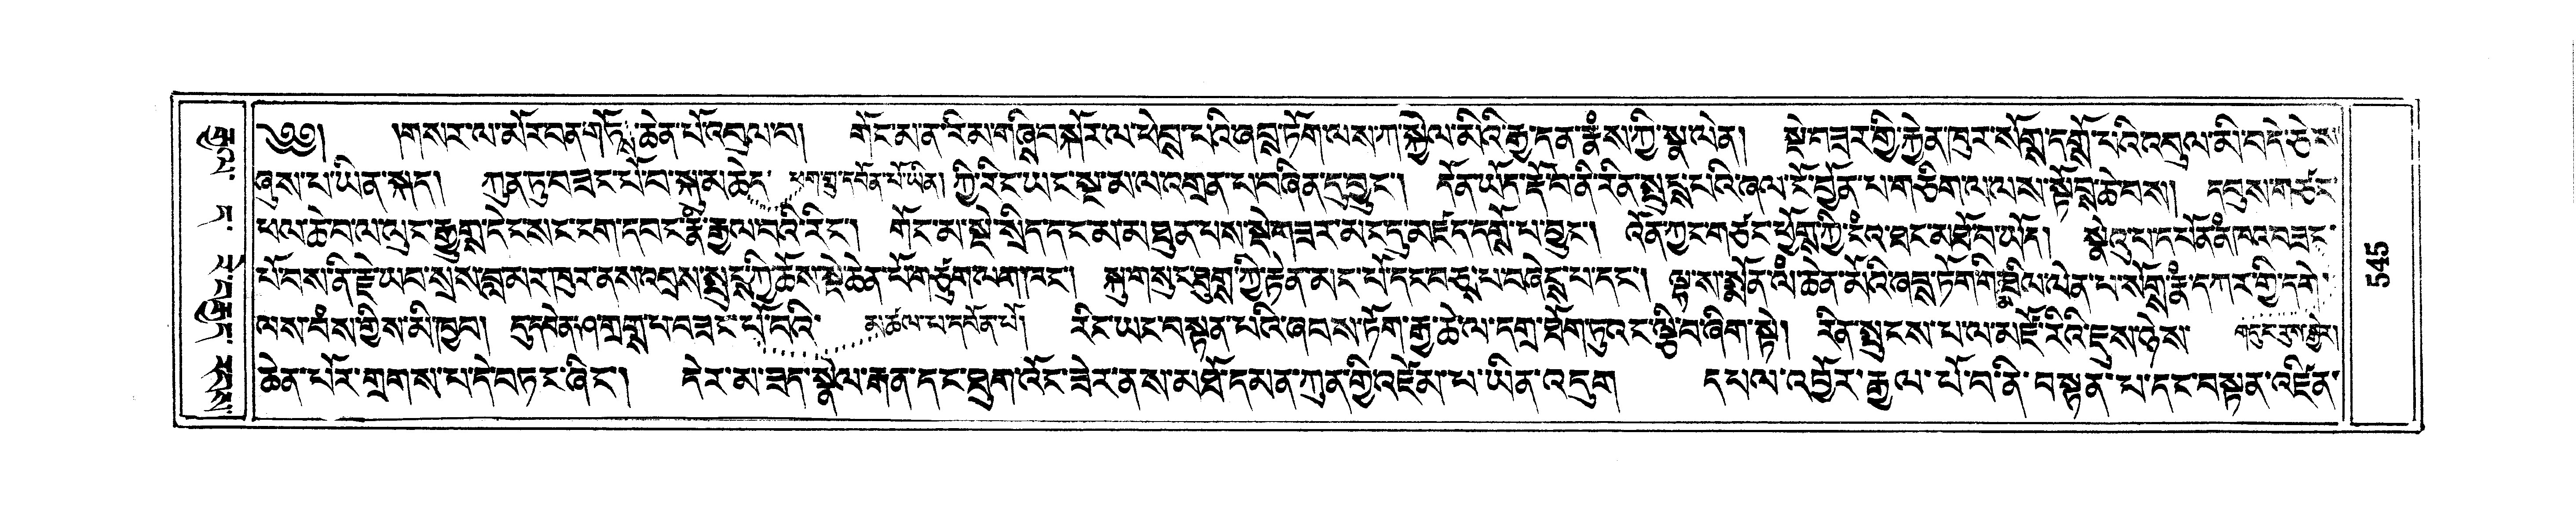༄༅། །གསར་ལ་མོར་བན་གཏོས་ཆེན་པོ་འབུལ་བ། གོང་མ་ན་རིམ་གཞིས་བསྐོར་ལ་ཕེབས་པའི་ཞབས་ཏོག་ལས་ཀ་སྐྱེལ་མིའི་རྒྱ་དན་རྣཾས་ཀྱི་སྣ་ལེན། སྡེ་གཟར་གྱི་རྐྱེན་ཁུར་སོགས་དགོས་པའི་འབུལ་མི་བདེ་ཅེས་
ཞུས་པ་ཡིན་སྐད། ཀུན་ཏུ་བཟང་པོ་བ་སྐུ་མཆེད་ཕག་གྲུ་དབོན་པོ་ཡིན།  ཀྱི་རིང་ཡང་སྔ་མ་ལ་འགྲན་པ་བཞིན་དུ་བྱུང་། དོན་ཡོད་རྡོ་བ་ནི་རིན་སྤུངས་པའི་ཞལ་ངོ་བྱོན་པ་གཅིག་ལ་ལས་སྟོབས་ཆེ་བས། དབུས་གཙང་
ཕལ་ཆེ་བ་ལ་ལུང་རྒྱུགས་དེང་སང་ངག་དབང་རྣཾ་རྒྱལ་བའི་རིང་། གོང་མ་སྡེ་སྲིད་དང་མ་མཐུན་པས་སྡེ་གཟར་མང་དུ་མཛད་དགོས་པ་བྱུང་། འོན་ཀྱང་གཙང་ཕྱོགས་ཀྱི་ངཾའ་ཐང་མཐོ་བ་ཡོད། སྣེའུ་པ་དཔོན་ནཾཁའ་བཟང་
པོ་བས་ནི་རྗེ་ཡབ་སྲས་བླ་མར་ཁུར་ནས་འབྲས་སྤུངས་ཀྱི་ཆོས་སྡེ་ཆེན་པོ་གཙུག་ལག་ཁང་། སྐུ་གསུང་ཐུགས་ཀྱི་རྟེན་མང་པོ་དང་བཅས་པ་བཞེངས་པ་དང་། ལྷ་ས་སྨོན་ལཾ་ཆེན་མོའི་ཞབས་ཏོག་གི་མཐིལ་ལེན་པ་སོགས་རྣཾ་དཀར་གྱི་དགེ་
ལས་བཾས་གྱིས་མི་ཁྱབ། དུ་དབེན་ཤ་གྲགས་པ་བཟང་པོ་བའི་མཚལ་པ་དབོན་པོ།  རིང་ཡང་བསྟན་པའི་ཞབས་ཏོག་རྒྱ་ཆེ་ལ་དགྲ་ཐོག་ཏུའང་ལྕི་བ་ཞིག་སྟེ། རིན་སྤུངས་པ་ལ་མཛོ་རིའི་ཇུས་ཉེས་གདུང་རུས་སྒྱེར།
ཆེན་པོར་གྲགས་པ་དེ་བཏང་ཞིང་། དེར་མ་ཟད་སྣེལ་རྒན་དང་ཐུག་འོང་ཟེར་ནས་མཐོ་དམན་ཀུན་གྱི་འཛེམ་པ་ཡིན་འདུག་དཔལ་འབྱོར་རྒྱལ་པོ་བ་ནི་བསྟན་པ་དང་བསྟན་འཛིན་